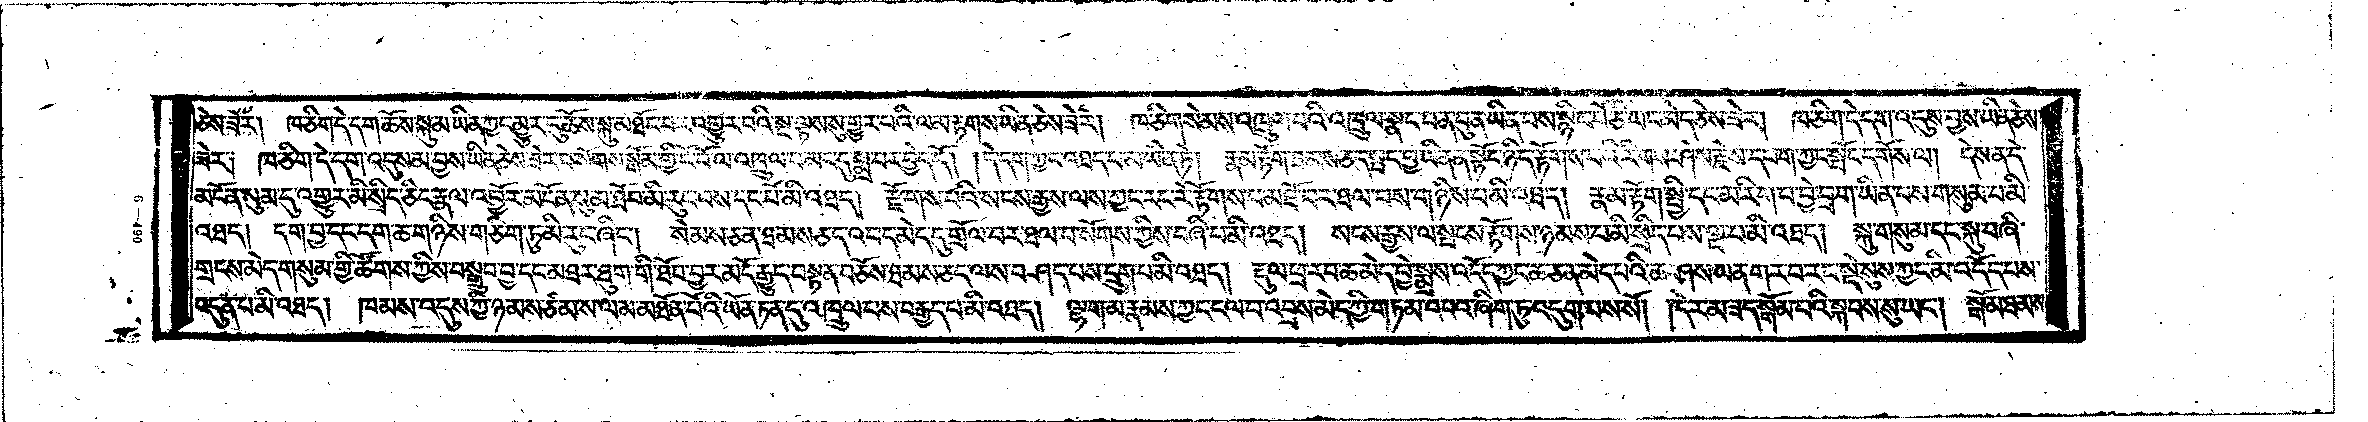ཅེས་ཟེར། ཁ་ཅིག་དེ་དག་ཆོས་སྐུ་མ་ཡིན་ཀྱང་མྱུར་དུ་ཆོས་སྐུ་མཐོང་བར་འགྱུར་བའི་སྔ་ལྟས་སུ་གྱུར་པའི་ལམ་རྟགས་ཡིན་ཅེས་ཟེར། ཁ་ཅིག་སེམས་འཁྲུལ་བའི་འཁྲུལ་སྣང་བན་བུན་ཡིན་པས་སྙིང་པོ་ཅི་ཡང་མེད་ཅེས་ཟེར། ཁ་ཅིག་དེ་དག་འདུས་བྱས་ཡིན་ཅེས་
ཟེར༑ ཁ་ཅིག་དེ་དག་འདུས་མ་བྱས་ཡིན་ཅེས་ཟེར་བ་སོགས་སྒོམ་གྱི་ངོ་བོ་ལ་འཁྲུལ་བ་མང་དུ་སྨྲ་བར་བྱེད་དོ། །དེ་དག་ཀྱང་འཐད་པ་མ་ཡིན་ཏེ། རྣམ་རྟོག་ཐམས་ཅད་སྤང་བྱ་ཡིན་ན་སྟོང་ཉིད་རྟོགས་པའི་རིགས་ཤེས་རྗེས་དཔག་ཀྱང་སྤོང་དགོས་ལ། དེས་ན་དེ་
མངོན་སུམ་དུ་འགྱུར་མི་སྲི་དྕིང་རྣལ་འབྱོར་མངོན་སུམ་ཐོབ་མི་རུང་བས་དང་པོ་མི་འཐད། རྫོགས་པའི་སངས་རྒྱས་ལས་ཀྱང་རང་རེ་རྟོགས་པ་མཐོ་བར་ཐལ་བས་གཉིས་པ་མི་ཐད། རྣམ་རྟོག་སྤྱི་དང་མ་རིག་པ་བྱེ་བྲག་ཡིན་པས་གསུམ་པ་མི་
འཐད། དག་བྱ་དང་དག་ཆ་གཉིས་གཅིག་ཏུ་མི་རུང་ཞིང་། སེམས་ཅན་ཐམས་ཅད་འབད་མེད་དུ་གྲོལ་བར་ཐལ་བ་སོགས་ཀྱིས་བཞི་པ་མི་འཐད། སངས་རྒྱས་ལ་སྤངས་རྟོགས་ཉམས་པ་མི་སྲིད་པས་ལྔ་བ་མི་འཐད། སྐུ་གསུམ་དང་སྐུ་བཞི་
གྲངས་མེད་གསུམ་གྱི་ཚོགས་ཀྱིས་བསྒྲུབ་བྱ་དང་མཐར་ཐུག་གི་ཐོབ་བྱར་མདོ་རྒྱུད་བསྟན་བཅོས་ཐམས་ཅད་ལས་བཤད་པས་དྲུག་པ་མི་འཐད། རྡུལ་ཕྲ་རབ་ཆ་མེད་བྱེ་སྨྲས་འདོད་ཀྱང་ཆ་ཅན་མེད་པའི་ཆ་ཤས་ཡན་གར་བ་རང་སྡེ་སུས་ཀྱང་མི་འདོད་པས་
འདུན་པ་མི་འཐད། ཁམས་འདུས་ཀྱི་ཉམས་ཙམ་ས་ལམ་མཐོན་པོའི་ཡོན་ཏན་དུ་འཁྲུལ་པས་བརྒྱད་པ་མི་འཐད། ལྷག་མ་རྣམས་ཀྱང་ངལ་བ་འབྲས་མེད་ཀྱི་གཏམ་འབའ་ཞིག་ཏུ་འདུག་པས་སོ། །དེར་མ་ཟད་སྒོམ་པའི་སྐབས་སུ་ཡང་། སྒོམ་ཐམས་